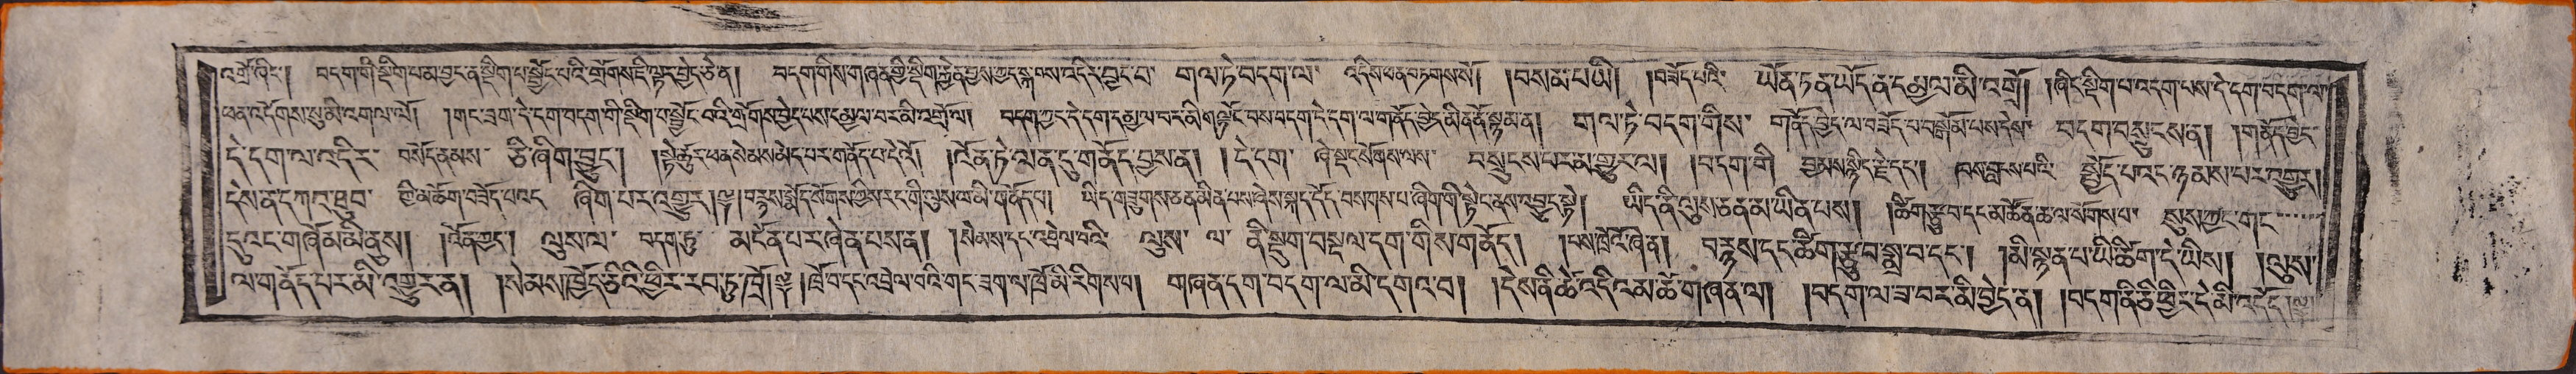འགྲོ་ཞིང་། བདག་གི་སྡིག་པ་མ་བྱད་ན་སྡིག་པ་སྦྱོང་བའི་གྲོགས་ཇི་ལྟར་བྱེད་ཅེ་ན། བདག་གིས་གཞན་གྱི་སྡིག་རྐྱེན་བྱས་ཀྱང་སྐབས་འདིར་བྱད་བ། གལ་ཏེ་བདག་ལ་འདིས་ཕན་བཏགས་སོ། །བསམ་པ་ཡི། །བཟོད་པའི་ཡོན་ཏན་ཡོད་ན་དམྱལ་མི་འགྲོ། །ཞིང་སྡིག་པ་འདག་པས་དེ་དག་བདག་
ཕན་འདོགས་སུ་མི་འགལ་ལོ། །གང་ཟག་དེ་དག་བདག་གི་སྡིག་པ་སྦྱང་བའི་གྲོགས་བྱེད་པས་དམྱལ་བར་མི་འགྲོ་ལ། བདག་ཀྱང་དེ་དག་དམྱལ་པར་མི་གཏོང་བས་བདག་དེ་དག་ལ་གནོད་བྱེད་མིན་ནོ་སྙམ་ན། གལ་ཏེ་བདག་གིས་གནོད་བྱེད་ལ་བཟོད་པ་བསྒོམ་པས་དེས་བདག་བསྲུངས་ནས། །གནོད་བྱེད་
དེ་དག་ལ་འདིར་བསོད་ནམས་ཅི་ཞིག་བྱུང་། །སྟེ་ཆུར་ཕན་སེམས་མེད་པར་གནོད་པ་དེའོ། །འོན་ཏེ་ལན་དུ་གནོད་བྱས་ན། །དེ་དག་ཞེ་སྡང་སོགས་ལས། བསྲུངས་པར་མ་གྱུར་ལ། །བདག་གི་བྱམས་སྙིང་རྗེ་དང་། ཁས་བླངས་པའི་སྤྱོད་པའང་ཉམས་པར་འགྱུར།།
དེས་ན་དཀའ་ཐུབ་ཀྱི་མཆོག་བཟོད་བའང་ཞིག་པར་འགྱུར། ༈ །བརྙས་སྨོད་སོགས་ཀྱིས་རང་གི་ལུས་ལ་མི་གནོད་པ། ཡིད་གཟུགས་ཅན་མིན་བས་ཞེས་སྐད་བོད་བསགས་པ་ཞིག་གི་སྟེང་ནས་འབྱུང་སྟེ། ཡིད་ནི་ལུས་ཅན་མ་ཡིན་པས། །ཚིག་རྩུབ་དང་མཚོན་ཆ་ལ་སོགས་པ་སུས་ཀྱང་གང་
དུའང་གཞོམ་མི་ནུས། །འོན་ཀྱང་། ལུས་ལ་བདག་ཏུ་མངོན་པར་ཞེན་པས་ན། །སེམས་དང་འབྲེལ་པའི་ལུས་ལ་ནི་སྡུག་བསྔལ་དག་གིས་གནོད། །པས་ཁྲོའི་ཞེ་ན། བརྙས་དང་ཚིག་རྩུབ་སྨྲ་བ་དང་། །མི་སྙན་པ་ཡི་ཚིག་དེ་ཡིས། །ལུས་
ལ་གནོད་པར་མི་འགྱུར་ན། །སེམས་ཁྱོད་ཅིའི་ཕྱིར་རབ་ཏུ་ཁྲོ། ༈ །ཁྲོ་བ་དང་འབྲེལ་བའི་གང་ཟག་ལ་ཁྲོ་མི་རིགས་པ། གཞན་དག་བདག་ལ་མི་དགའ་བ། །དེས་ནི་ཚེ་འདིའམ་ཚེ་གཞན་ལ། །བདག་ལ་ཟ་བར་མི་བྱེད་ན། །བདག་ནི་ཅི་ཕྱིར་དེ་མི་འདོད། ༈།